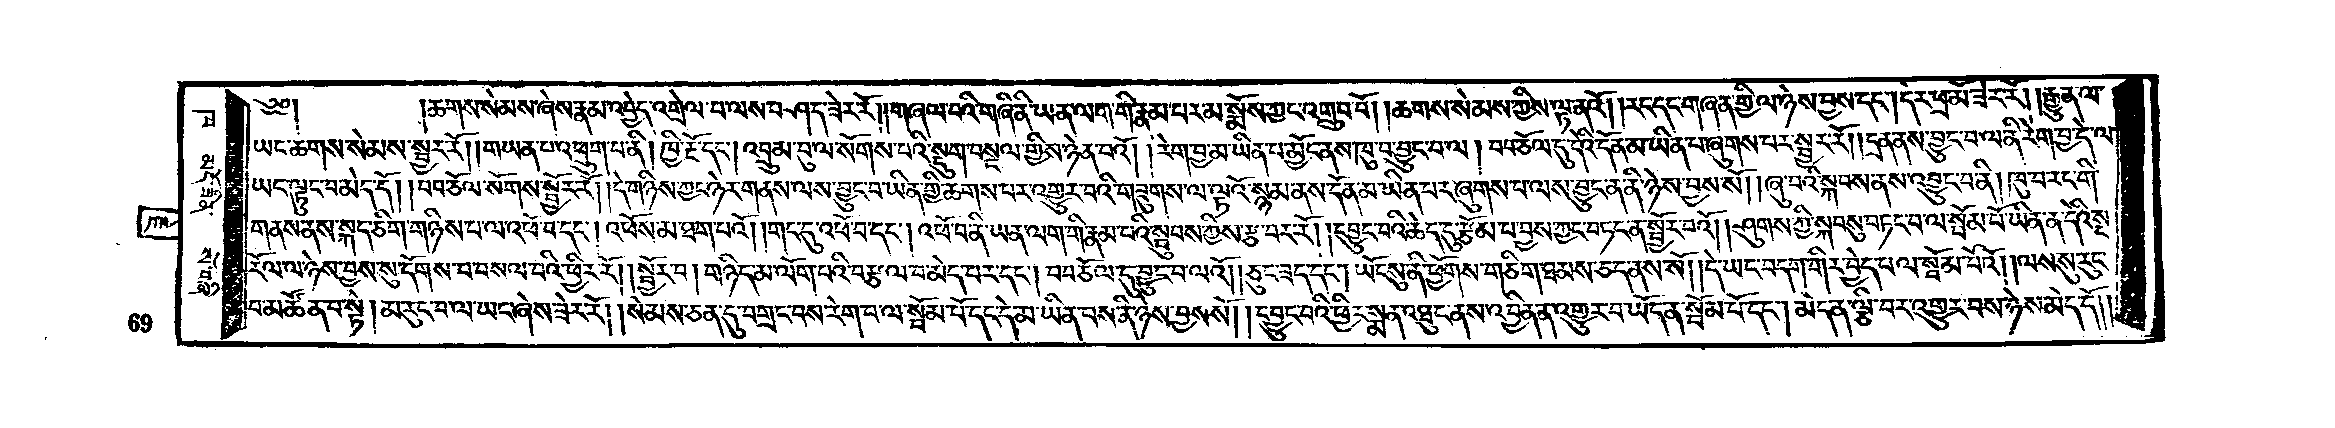༄༅། །ཆགས་སེམས་ཞེས་རྣམ་འབྱེད་འགྲེལ་པ་ལས་བཤད་ཟེར་རོ། །གཞལ་བའི་གཞི་ནི་ཡན་ལག་གི་རྣམ་པར་མ་སྨོས་ཀྱང་འགྲུབ་བོ། །ཆགས་སེམས་ཀྱིས་ལྟ་ནའོ། །རང་དང་གཞན་གྱི་ལ་ཉེས་བྱས་དང་། དེར་ཕྲ་མོ་ཟེར་རོ། །རྒྱུན་ལ་
ཡང་ཆགས་སེམས་སྦྱར་རོ། །གཡན་པ་འཕྲུག་པ་ནི། ཁྱི་རྔོ་དང་། འབྲུམ་བུ་ལ་སོགས་པའི་སྡུག་བསྔལ་གྱིས་ཉེན་པའོ། །རེག་བྱ་མ་ཡིན་པ་མྱོང་ནས་ཁུ་བ་བྱུང་བ་ལ། བབ་ཅོལ་དུ་དེའི་དོན་མ་ཡིན་པ་ཞུགས་པར་སྦྱར་རོ། །དྲན་ནས་བྱུང་བ་ལ་ནི་རེག་བྱ་དེ་ལ་
ཡང་ལྟུང་བ་མེད་དོ། །བབ་ཅོལ་སོགས་སྦྱོར་རོ། །དེ་གཉིས་ཀྱང་ཉེར་གནས་ལས་བྱུང་བ་ཡིན་གྱི་ཆགས་པར་འགྱུར་བའི་གཟུགས་ལ་ལྟའོ་སྙམ་ནས་དོན་མ་ཡིན་པར་ཞུགས་པ་ལས་བྱུང་ན་ནི་ཉེས་བྱས་སོ། །ཞུ་བའི་སྐབས་ནས་འབྱུང་བ་ནི། ཁུ་བ་རང་གི་
གནས་ནས་སྐད་ཅིག་གཉིས་པ་ལ་འཕོ་བ་དང་། འཕོས་མ་ཐག་པའོ། །གང་དུ་འཕོ་བ་དང་། འཕོ་བ་ནི་ཡན་ལག་གི་རྣམ་པའི་སྤུབས་ཀྱིས་རྩ་བར་རོ། །དབྱུང་བའི་ཆེད་དུ་རྩོམ་པ་བྱས་ཀྱང་བཏང་ན་སྦྱོར་བའོ། །ཤུགས་ཀྱི་སྐབས་སུ་བཏང་བ་ལ་སྤོམ་པོ་ཡིན་ན་དེའི་སྔ་
རོལ་ལ་ཉེས་བྱས་སུ་དོགས་པ་བསལ་བའི་ཕྱིར་རོ། །སྦྱོར་བ། གཉིད་མ་ལོག་པའི་བརྩལ་བ་མེད་པར་དང་། བབ་ཅོལ་དུ་བྱུང་བ་ལའོ། །ཅུང་ཟད་དང་། ཡོངས་སུ་ནི་ཕྱོགས་གཅིག་ཐམས་ཅད་ནས་སོ། །དེ་ཡང་བདག་གིར་བྱེད་པ་ལ་སྦོམ་པོའོ། །ལས་སུ་རུང་
བ་མཚོན་པ་སྟེ། མ་རུང་བ་ལ་ཡང་ཞེས་ཟེར་རོ། །སེམས་ཅན་དུ་བགྲང་བས་རག་པ་ལ་སྤོམ་པོ་དང་དེ་མ་ཡིན་པས་ནི་ཉེས་བྱས་སོ། །དབྱུང་བའི་ཕྱིར་སྨན་འཐུང་ནས་འབྱིན་ན་འགྱུར་བ་ཡོད་ན་སྦོམ་པོ་དང་། མེད་ན་ལྕི་བར་འགྱུར་བས་ཉེས་མེད་དོ།།